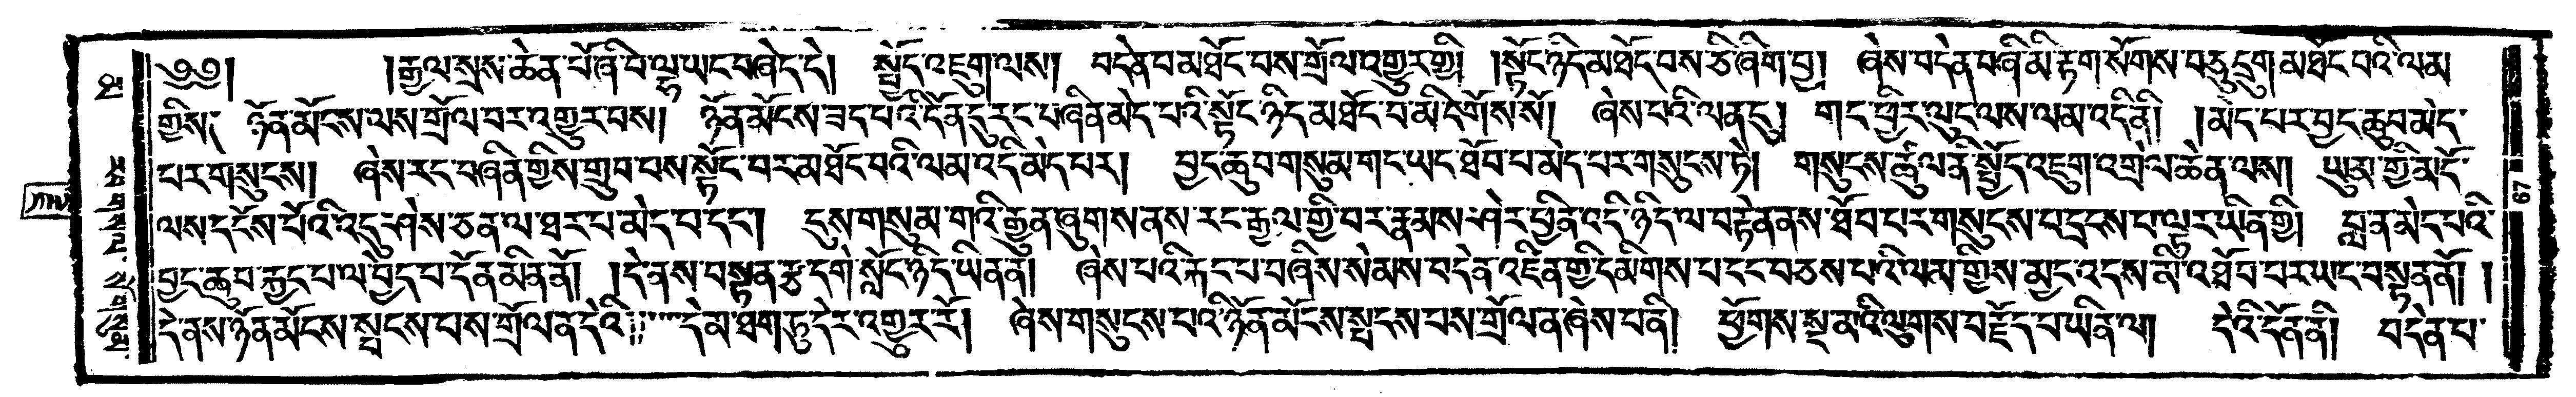༄༅། །རྒྱལ་སྲས་ཆེན་པོ་ཞི་བ་ལྷ་ཡང་བཞེད་དེ། སྤྱོད་འཇུག་ལས། བདེན་པ་མཐོང་བས་གྲོལ་འགྱུར་གྱི། །སྟོང་ཉིད་མཐོང་བས་ཅི་ཞིག་བྱ། ཞེས་བདེན་བཞི་མི་རྟག་སོགས་བཅུ་དྲུག་མཐོང་བའི་ལམ་
གྱིས༑ ཉོན་མོངས་ལས་གྲོལ་བར་འགྱུར་བས། ཉོན་མོངས་ཟད་པའི་དོན་དུ་རང་བཞིན་མེད་པའི་སྟོང་ཉིད་མཐོང་བ་མི་དགོས་སོ། ཞེས་པའི་ལན་དུ། གང་ཕྱིར་ལུང་ལས་ལམ་འདི་ནི། །མེད་པར་བྱང་ཆུབ་མེད་
པར་གསུངས། ཞེས་རང་བཞིན་གྱིས་གྲུབ་པས་སྟོང་པར་མཐོང་བའི་ལམ་འདི་མེད་པར། བྱང་ཆུབ་གསུམ་གང་ཡང་ཐོབ་པ་མེད་པར་གསུངས་ཏེ། གསུངས་ཚུལ་ནི་སྤྱོད་འཇུག་འགྲེལ་ཆེན་ལས། ཡུམ་གྱི་མདོ་
ལས་དངོས་པོའི་འདུ་ཤེས་ཅན་ལ་ཐར་པ་མེད་པ་དང་། དུས་གསུམ་གའི་རྒྱུན་ཞུགས་ནས་རང་རྒྱལ་གྱི་བར་རྣམས་ཤེར་ཕྱིན་འདི་ཉིད་ལ་བརྟེན་ནས་ཐོབ་པར་གསུངས་པ་དྲངས་པ་ལྟར་ཡིན་གྱི། བླ་ན་མེད་པའི་
བྱང་ཆུབ་རྐྱང་པ་ལ་བྱེད་པ་དོན་མིན་ནོ། །དེ་ནས་བསྟན་རྩ་དགེ་སློང་ཉིད་ཡིན་ན། ཞེས་པའི་རྐང་པ་བཞིས་སེམས་བདེན་འཛིན་གྱི་དམིགས་པ་དང་བཅས་པའི་ལམ་གྱིས་མྱང་འདས་མི་འཐོབ་པར་ཡང་བསྟན་ནོ།།
དེ་ནས་ཉོན་མོངས་སྤངས་པས་གྲོལ་ན་དེའི། དེ་མ་ཐག་ཏུ་དེ་འགྱུར་རོ། ཞེས་གསུངས་པའི་ཉོན་མོངས་སྤངས་པས་གྲོལ་ན་ཞེས་པ་ནི། ཕྱོགས་སྔ་མའི་ལུགས་བརྗོད་པ་ཡིན་ལ། དེའི་དོན་ནི། བདེན་པ་